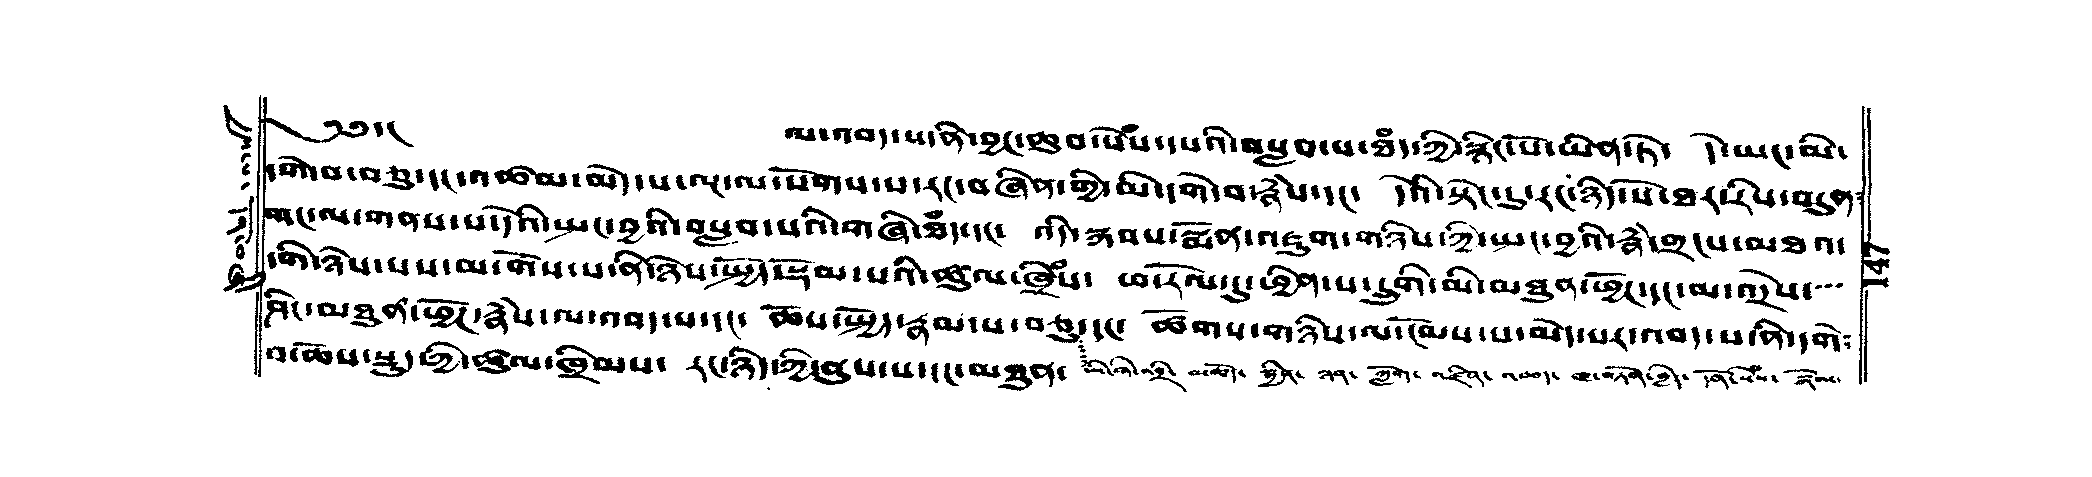ལ་འབད་པ་ནི་བྱང་ཆུབ་སེམས་དཔའི་བསླབ་པ་ཐམས་ཅད་ཀྱི་སྙིང་པོ་ཡིན་ཏེ། དེ་ཡང་མི་
དགེ་བ་བཅུ་དང་འཚམ་མེད་པ་ལྔ་ལ་སོགས་པ་རང་བཞིན་གྱི་མི་དགེ་བ་རྣམས་དང་།དེའི་སྟེང་དུ་རང་ཉིད་སོ་ཐར་རིས་བདུན་
གང་ལ་གནས་པ་དེའི་སྤང་བྱའི་བསླབ་པའི་གཞི་ཐམས་ཅད་དང་། འདི་སྐབས་སྨིན་འཇུག་གཉིས་ཀྱི་སྤང་བྱའི་རྣམ་གྲངས་མཐའ་
དག་གི་ཉེས་པས་མ་གོས་པ་ནི་ཉེས་སྤྱོད་སྡོམ་པའི་ཚུལ་ཁྲིམས། ཕ་རོལ་དུ་ཕྱིན་པ་དྲུག་གི་མི་མཐུན་ཕྱོགས་དག་མ་འདྲེས་
ཤིང་མཐུན་ཕྱོགས་རྣམས་ལ་འབད་པ་དང་། ཆོས་སྤྱོད་རྣམ་པ་བཅུ་{ ཡི་གེ་འབྲི། མཆོད། སྦྱིན། ཉན། ཀློག འཛིན། འཆད། ཁ་བཏོན་བྱེད། དོན་སེམས། སྒོམ་པ་དང་བཅུའོ། }དང་། ཚོགས་གཉིས་ལ་ངོམས་པ་མེད་པར་འབད་པ་ནི་དགེ་
བ་ཆོས་སྡུག་ཀྱི་ཚུལ་ཁྲིམས། རང་ཉིད་ཀྱི་ནུས་པ་དང་མཐུན་